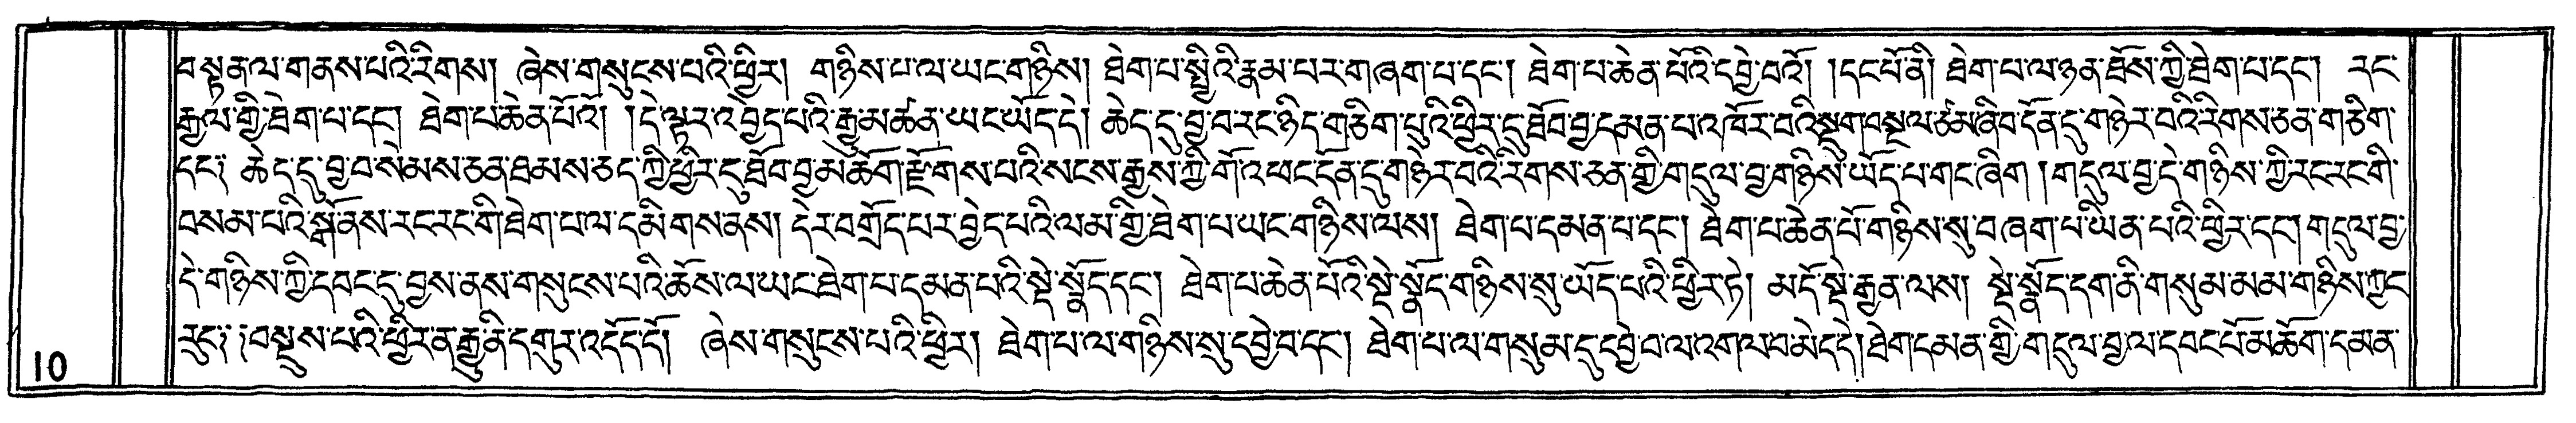བསྟན་ལ་གནས་པའི་རིགས། ཞེས་གསུངས་པའི་ཕྱིར། གཉིས་པ་ལ་ཡང་གཉིས། ཐེག་པ་སྤྱིའི་རྣམ་པར་གཞག་པ་དང་། ཐེག་པ་ཆེན་པོའི་དབྱེ་བའོ། །དང་པོ་ནི། ཐེག་པ་ལ་ཉན་ཐོས་ཀྱི་ཐེག་པ་དང་། རང་
རྒྱལ་གྱི་ཐེག་པ་དང་། ཐེག་པ་ཆེན་པོའོ། །དེ་ལྟར་འབྱེད་པའི་རྒྱུ་མཚན་ཡང་ཡོད་དེ། ཆེད་དུ་བྱ་བ་རང་ཉིད་གཅིག་པུའི་ཕྱིར་དུ་ཐོབ་བྱ་དམན་པ་འཁོར་བའི་སྡུག་བསྔལ་ཙམ་ཞི་བ་དོན་དུ་གཉེར་བའི་རིགས་ཅན་གཅིག་
དང་། ཆེད་དུ་བྱ་བ་སེམས་ཅན་ཐམས་ཅད་ཀྱི་ཕྱིར་དུ་ཐོབ་བྱ་མཆོག་རྫོགས་པའི་སངས་རྒྱས་ཀྱི་གོ་འཕང་དོན་དུ་གཉེར་བའི་རིགས་ཅན་གྱི་གདུལ་བྱ་གཉིས་ཡོད་པ་གང་ཞིག །གདུལ་བྱ་དེ་གཉིས་ཀྱི་རང་རང་གི་
བསམ་པའི་སྒོ་ནས་རང་རང་གི་ཐེག་པ་ལ་དམིགས་ནས། དེར་བགྲོད་པར་བྱེད་པའི་ལམ་གྱི་ཐེག་པ་ཡང་གཉིས་ལས། ཐེག་པ་དམན་པ་དང་། ཐེག་པ་ཆེན་པོ་གཉིས་སུ་བཞག་པ་ཡིན་པའི་ཕྱིར་དང་། གདུལ་བྱ་
དེ་གཉིས་ཀྱི་དབང་དུ་བྱས་ནས་གསུངས་པའི་ཆོས་ལ་ཡང་ཐེག་པ་དམན་པའི་སྡེ་སྣོད་དང་། ཐེག་པ་ཆེན་པོའི་སྡེ་སྣོད་གཉིས་སུ་ཡོད་པའི་ཕྱིར་ཏེ། མདོ་སྡེ་རྒྱན་ལས། སྡེ་སྣོད་དག་ནི་གསུམ་མམ་གཉིས་ཀྱང་
རུང་། །བསྡུས་པའི་ཕྱིར་ན་རྒྱུ་ནི་དགུར་འདོད་དོ། ཞེས་གསུངས་པའི་ཕྱིར། ཐེག་པ་ལ་གཉིས་སུ་དབྱེ་བ་དང་། ཐེག་པ་ལ་གསུམ་དུ་དབྱེ་བ་ལ་འགལ་བ་མེད་དེ། ཐེག་དམན་གྱི་གདུལ་བྱ་ལ་དབང་པོ་མཆོག་དམན་